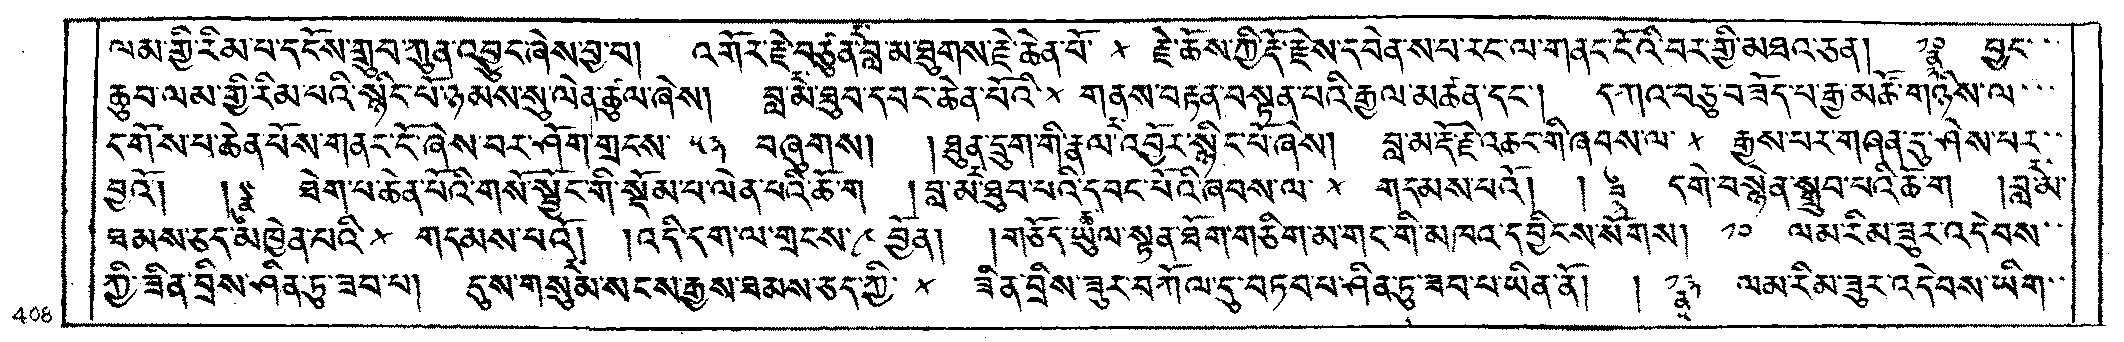ལམ་གྱི་རིམ་པ་དངོས་གྲུབ་ཀུན་འབྱུང་ཞེས་བྱ་བ། འགོར་རྗེ་བཙུན་བླ་ར་མ་ཐུགས་རྗེ་ཆེན་པོ་྾་རྗེ་ཆོས་ཀྱི་རྡོ་རྗེས་དབེན་ས་པ་རང་ལ་གནང་ངོའི་བར་གྱི་མཐའ་ཅན། ༡༠་ན ༢་བྱང་
ཆུབ་ལམ་གྱི་རིམ་པའི་སྙིང་པོ་ཉམས་སུ་ལེན་ཚུལ་ཞེས། བླ་མ་ར་ཐུབ་དབང་ཆེན་པོའི་྾་གནས་བརྟན་བསྟན་པའི་རྒྱལ་མཚན་དང་། དཀའ་བཅུ་བཟོད་པ་རྒྱ་མཚོ་གཉིས་ལ་
དགོས་པ་ཆེན་པོས་གནང་ངོ་ཞེས་པར་ཤོག་གྲངས ༥༣་བཞུགས། །ཐུན་དྲུག་གི་རྣལ་འབྱོར་ར་འབྱོར་སྙིང་པོ་ཞེས། བླ་མ་རྡོ་རྗེ་འཆང་གི་ཞབས་ལ་྾་རྒྱས་པར་གཞན་དུ་ཤེས་པར་
བྱའོ། །༤་ན ༦་ཐེག་པ་ཆེན་པོའི་གསོ་སྦྱོང་གི་སྡོམ་པ་ལེན་པའི་ཆོ་ག །བླ་མ་ར་ཐུབ་པའི་དབང་པོའི་ཞབས་ལ་྾་གདམས་པའོ། །༦་བ ༣་དགེ་བསྙེན་སྒྲུབ་པའི་ཆོ་ག །བླ་མ་ར་
ཐམས་ཅད་མཁྱེན་པའི་྾་གདམས་པའོ། །འདི་དག་ལ་གྲངས ༩་བྱོན། །གཅོད་ཡུལ་ཆ་སྟན་ཐོག་གཅིག་མ་གང་གི་མཁའ་དབྱིངས་སོགས། ༡༠་ལམ་རིམ་ཟུར་འདེབས་
ཀྱི་ཟིན་བྲིས་ཤིན་ཏུ་ཟབ་པ། དུས་གསུམ་སངས་རྒྱས་ཐམས་ཅད་ཀྱི་྾་ཟིན་བྲིས་ཟུར་བཀོལ་དུ་བཏབ་པ་ཤིན་ཏུ་ཟབ་པ་ཡིན་ནོ། །༡༣་ན ༥་ལམ་རིམ་ཟུར་འདེབས་ཡིག་